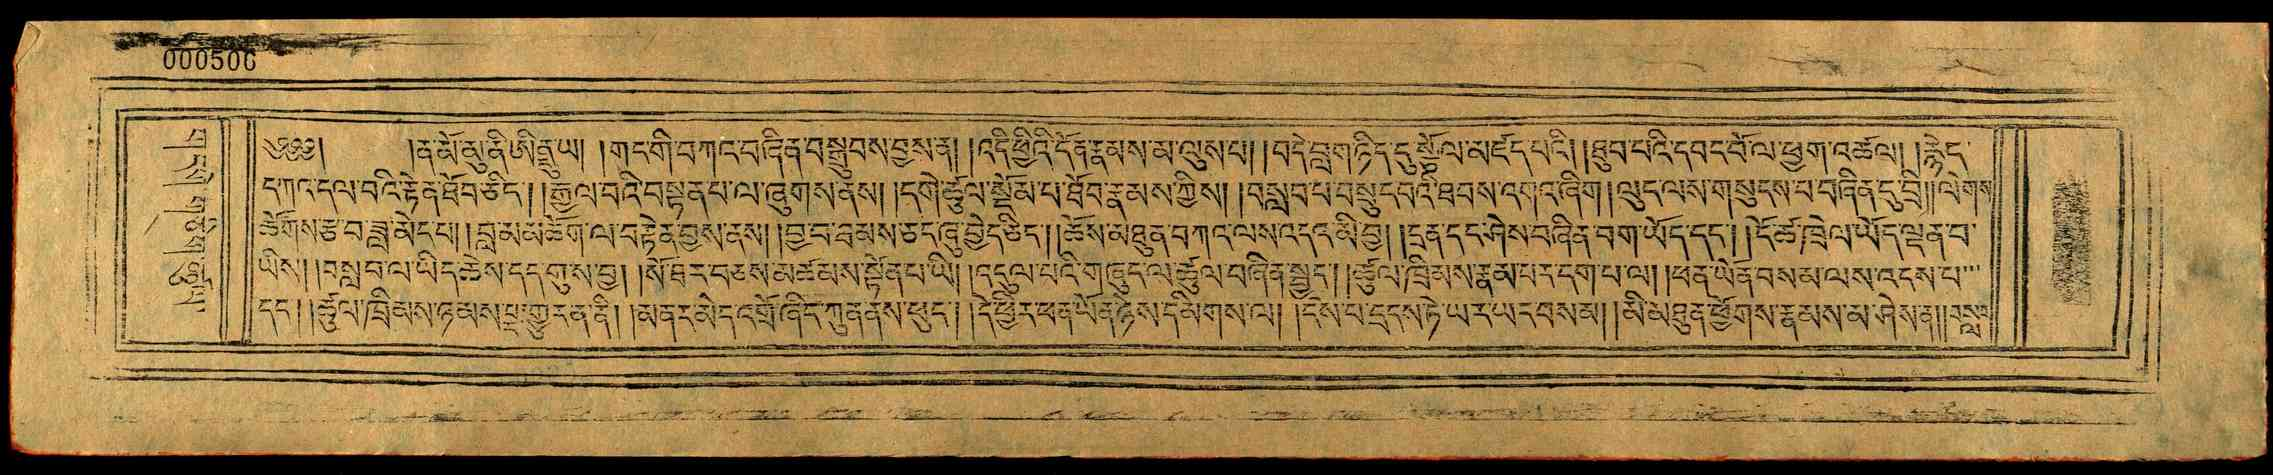༄༅༅། །ན་མོ་མུ་ནི་ཨིནྡྲ་ཡ། །གང་གི་བཀའ་བཞིན་བསྒྲུབས་བྱས་ན། །འདི་ཕྱིའི་དོན་རྣམས་མ་ལུས་པ། །བདེ་བླག་ཉིད་དུ་སྩོལ་མཛད་པའི། །ཐུབ་པའི་དབང་པོ་ལ་ཕྱག་འཚལ། །རྙེད་
དཀའ་དལ་བའི་རྟེན་ཐོབ་ཅིང་། །རྒྱལ་བའི་བསྟན་པ་ལ་ཞུགས་ནས། །དགེ་ཚུལ་སྡོམ་པ་ཐབ་རྣམས་ཀྱིས། །བསྲུང་བ་བསྲུང་བའི་ཐབས་འགའ་ཞིག །ལུང་ལས་གསུངས་པ་བཞིན་དུ་བྲི། །ལེགས་
ཚོགས་རྩ་བ་ཟླ་མེད་པ། །བླ་མ་མཆོག་ལ་བརྟེན་བྱས་ནས། །བྱ་བ་ཐམས་ཅད་ཞུ་ཁྱེད་ཅིང་། ཆོས་མཐུན་བཀའ་ལས་འདའ་མི་བྱ། །དྲན་དང་ཤེས་བཞིན་བག་ཡོད་དང་། །ངོ་ཚ་ཁྲེལ་ཡོད་ལྡན་པ་
ཡིས། །བསླབ་ལ་ཡིད་ཆེས་དད་གུས་བྱ། །སོ་ཐར་བཅས་མཚམས་སྟོན་པ་ཡི། །འདུལ་བའི་གཞུང་ལ་ཚུལ་བཞིན་སྤྱད། །ཚུལ་ཁྲིམས་རྣམ་པར་དག་པ་ལ། །ཕན་ཡོན་བསམ་ལས་འདས་པ་
དང་། །ཚུལ་ཁྲིམས་ཉམས་པར་གྱུར་ན་ནི། །མནར་མེད་འགྲོ་ཞིང་ཀུན་ནས་ཕུང་། །དེ་ཕྱིར་ཕན་ཡོན་ཉེས་དམིགས་ལ། །ངེས་པ་དྲངས་ཏེ་ཡང་ཡང་བསམ། །མི་མཐུན་ཕྱོགས་རྣམས་མ་ཤེས་ན། །བསླབ་